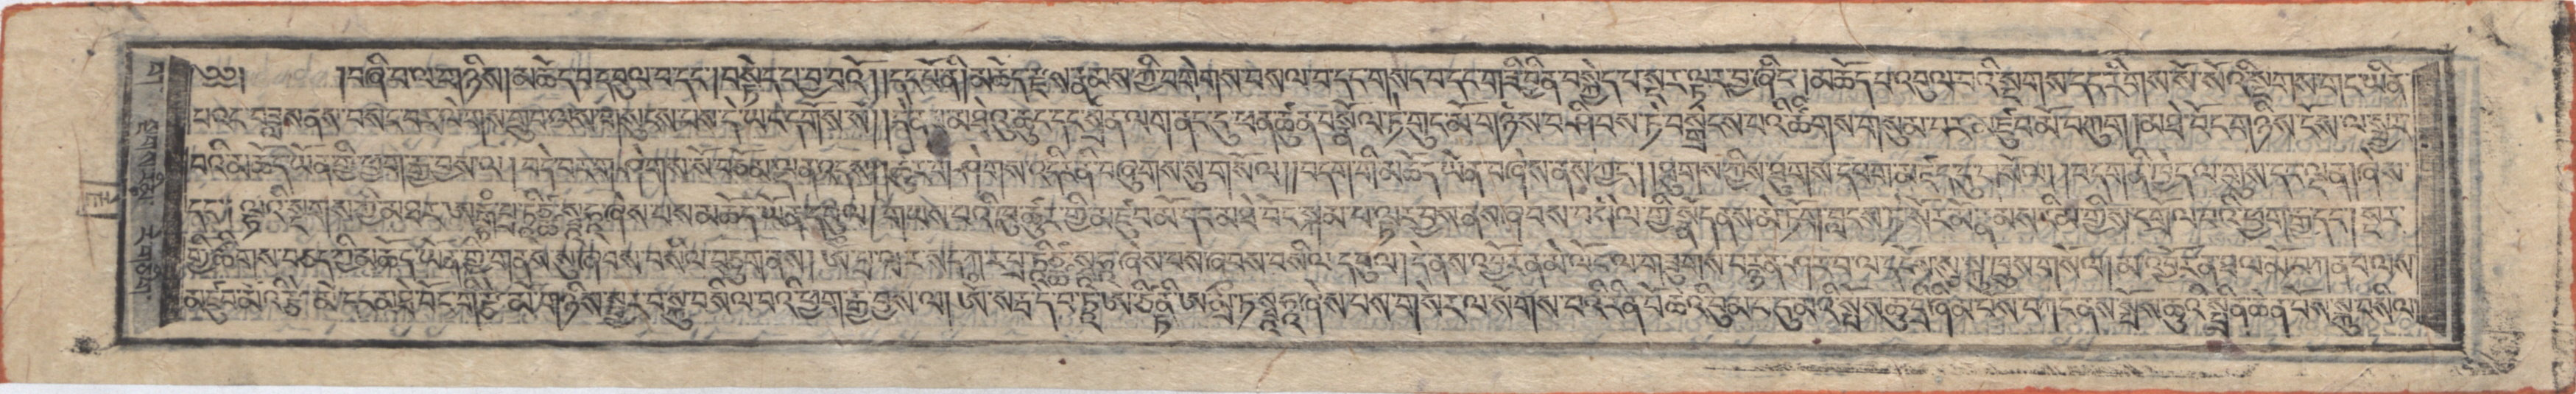༄༅། །བཞི་པ་ལ་གཉིས། མཆོད་པ་དབུལ་བ་དང་། བསྟོད་པ་བྱ་བའོ། །དང་པོ་ནི། མཆོད་རྫས་རྣམས་ཀྱི་བགེགས་བསལ་བ་དང་གསང་བ་དང་གཟི་བྱིན་བསྐྱེད་པ་སྔར་ལྟར་བྱ་ཞིང་། མཆོད་པ་འབུལ་བའི་སྔགས་དང་རིགས་སོ་སོའི་སྔགས་གང་ཡིན་
པའང་བཟླས་ནས་བསང་བར་ལེགས་གྲུབ་ལས་གསུངས་པས་དེ་ཡང་དགོས་སོ། །དེ་ནས་མཐེའུ་ཆུང་དང་སྲིན་ལག་ནང་དུ་ཕན་ཚུན་བསྣོལ་ཏེ་གུང་མོ་གཉིས་བཤིབས་ཏེ་བསྒྲིངས་པའི་ཚིགས་གསུམ་པར་མཛུབ་མོ་བཀུག །མཐེ་བོང་གཉིས་ངོས་ལ་སྦྱར་
བའི་མཆོད་ཡོན་གྱི་ཕྱག་རྒྱ་བྱས་ལ། བདེ་བར་གཤེགས་སོ་བཅོམ་ལྡན་འདས། །ཚུར་གཤེགས་འདིར་ནི་བཞུགས་སུ་གསོལ། །བདག་གི་མཆོད་ཡོན་བཞེས་ནས་ཀྱང་། །ཐུགས་ཀྱིས་ཐུགས་དཔག་མཛད་དུ་གསོལ། །བདག་ནི་ཁྱེད་ལ་གུས་དང་ལྡན། ཞེས་
དང༑ ལྷའི་སྔགས་ཀྱི་མཐར་ཨརྒྷཾ་པྲ་ཏཱིཙྪ་སྭཱཧཱ་ཞེས་པས་མཆོད་ཡོན་དབུལ། གཡས་པའི་ཁུ་ཚུར་གྱི་མཛུབ་མོ་དང་མཐེ་བོང་སྐམ་པ་ལྟར་བྱས་ནས་ཞབས་བསིལ་གྱི་སྣོད་ནས་མེ་ཏོག་བླངས་ཏེ་སོར་མོ་རྣམས་རིམ་གྱིས་ང་གྲོལ་བའི་ཕྱག་རྒྱ་དང་། སྔར་
གྱི་ཚིགས་བཅད་ཀྱི་མཆོད་ཡོན་གྱི་གནས་སུ་ཞབས་བསིལ་བཅུག་ནས། ཨོཾ་པྲ་ཝ་ར་སད་ཀ་ར་པྲ་ཏཱིཙྪ་སྭཱཧཱ་ཞེས་པས་ཞབས་བསིལ་དབུལ། དེ་ནས་འབྱོར་ན་མེ་ལོང་ལ་གཟུགས་བརྙན་ཤར་བ་ལ་དངོས་སུ་སྐུ་ཁྲུས་གསོལ། མ་འབྱོར་ན་ཐལ་མོ་བཀན་པ་ལས་
མཛུབ་མོའི་རྩེ་མོ་དང་མཐེ་བོང་གི་རྩེ་མོ་གཉིས་སྦྱར་བ་སྐུ་བསིལ་བའི་ཕྱག་རྒྱ་བྱས་ལ། ཨོཾ་སརྦ་དེ་བ་ཏཱ་ཨ་ཙིནྟི་ཨ་མྲྀ་ཏ་སྭཱཧཱ་ཞེས་པས་གསེར་ལ་སོགས་པའི་རིན་པོ་ཆེའི་བུམ་པ་དུ་མའི་སྤོས་ཆུ་དྲི་ཞིམ་པོས་བཀང་ནས་སྤོས་ཆུའི་སྤྲིན་ཆེན་པོས་སྐུ་བསིལ་